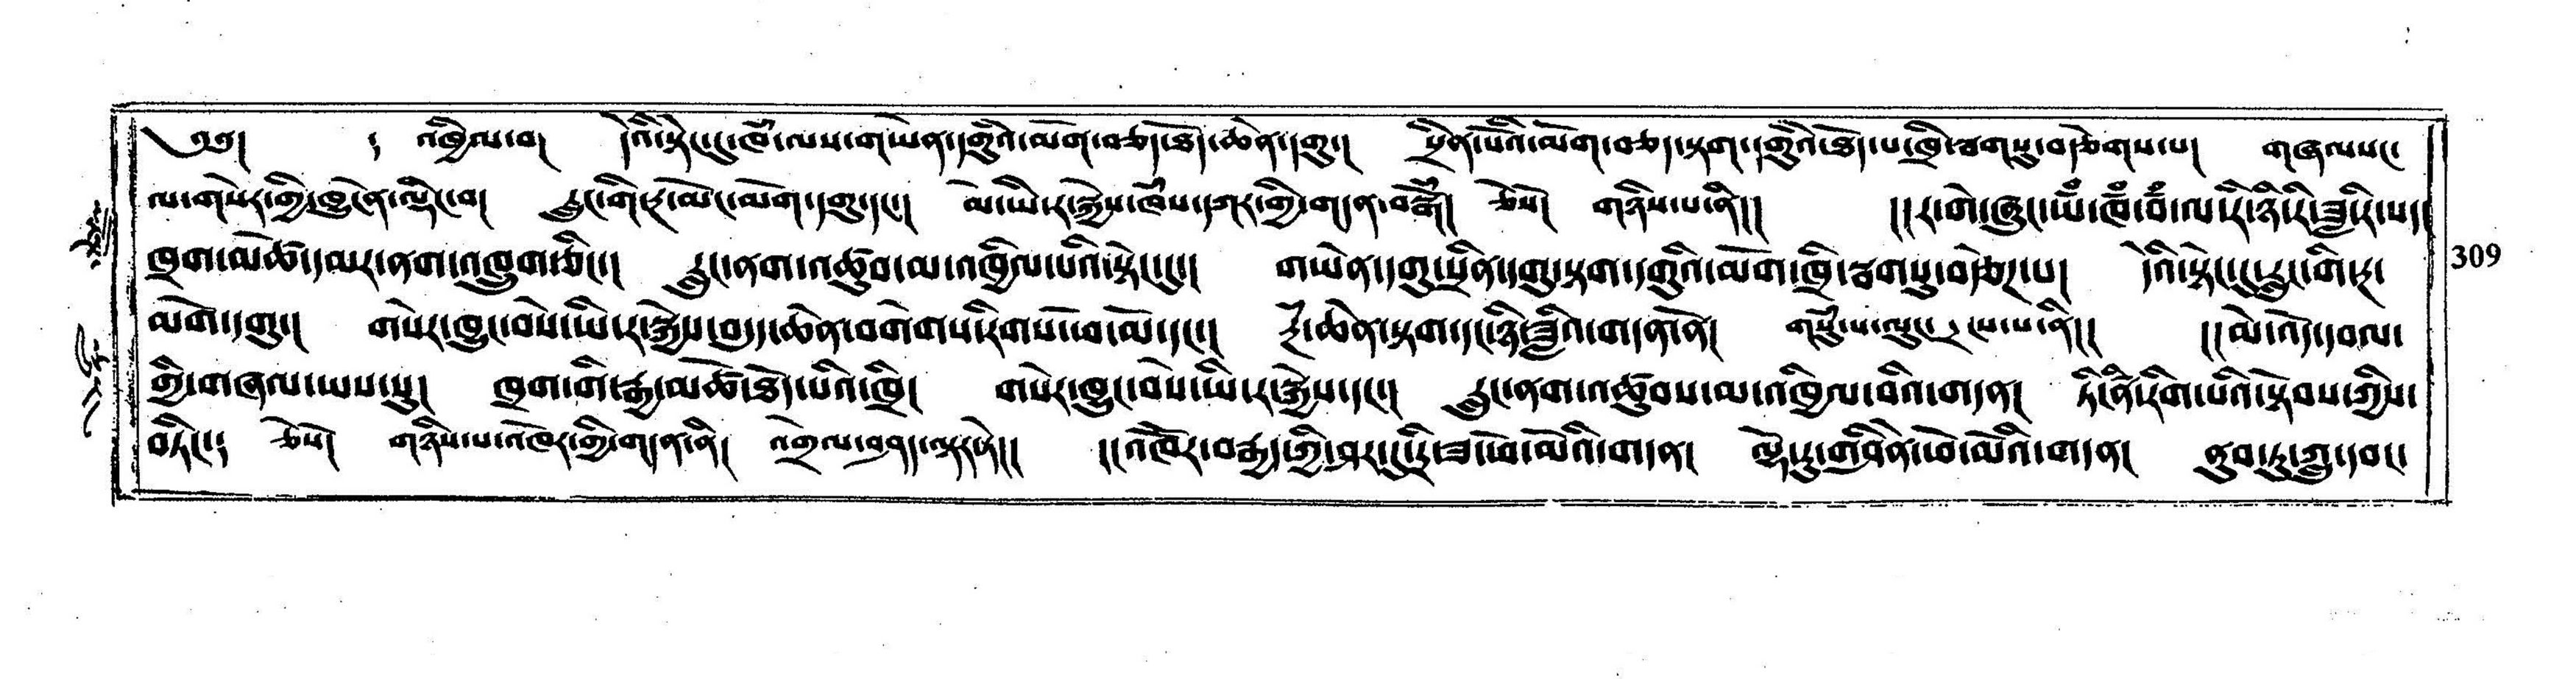འཁྱིལ་བ། དེའི་སྟེང་དུ་ཁམ་ལས་གཡེན་དགུའི་མགོ་བཅད་ཐོད་ཆེན་དགུ། སྲིན་པོའི་མགོ་བཅད་སྟག་དགུའི་ཐོད་པ་ཁྲི་སྦགས་སུ་བརྩེགས་པ། གཞལ་ཡས་ཁང་
ལ་གསེར་གྱི་ཁྱུང་ཆེན་ལྡིང་བ། རླུང་གི་རྔ་མོང་མགོ་དགུ་དང་། མེ་ཡི་ར་སྐྱེས་ཁམས་དཀར་གྱི་གདན་བསྒོམ། ཅེས་སོ། གཉིས་པ་ནི།། །།ར་གེ་ཞུང་ཡྃ་ཁྃ་བྃ་ལ་རི་ཉི་རི་ཟླ་རི་པད་
ཁྲག་མཚོ་དམར་ནག་འཁྲུག་ཅིང་། རླུང་ནག་འཚུབ་ལ་འཁྱིལ་པའི་སྟེང་དུ། གཡེན་དགུ་སྲིན་དགུ་སྟག་དགུའི་མགོ་ཁྲི་སྦགས་སུ་བརྩེགས་པ། དེའི་སྟེང་དུ་རླུང་གི་རྔ་༼མོང་༽
མགོ་དགུ། གསེར་ཁྱུང་བསེ་ཡི་ར་སྐྱེས་བདུད་ཆེན་བགེགས་རིགས་ཕོ་མོ་དང་། རྔམ་ཆེན་སྟག་དང་ཉི་ཟླའི་གདན་ནོ། །གསུམ་པ་ལུང་དྲངས་པ་ནི།། །།མེ་འོད་དབལ་
གྱི་གཞལ་ཡས་སུ། ཁྲག་གི་རྒྱ་མཚོ་ཐོད་པའི་ཁྲི། གསེར་ཁྱུང་བསེ་ཡི་ར་སྐྱེས་དང་། རླུང་ནག་འཚུབས་མ་འཁྱིལ་བའི་གདན། ཏིང་འཛིན་རིག་པའི་སྟོབས་ཀྱིས་
བཏིང་། ཅེས་སོ། གཉིས་པ་འཁོར་གྱི་གདན་ནི། འགྲེལ་བཤད་ལྟར་ཏེ། །།འཁོར་ལོ་བརྒྱད་ཀྱི་ཤར་དུ་དྲི་ཟ་ཕོ་མོའི་གདན། ལྷོ་རུ་གཤིན་རྗེ་ཕོ་མོའི་གདན། ནུབ་ཏུ་ཀླུ་དབང་